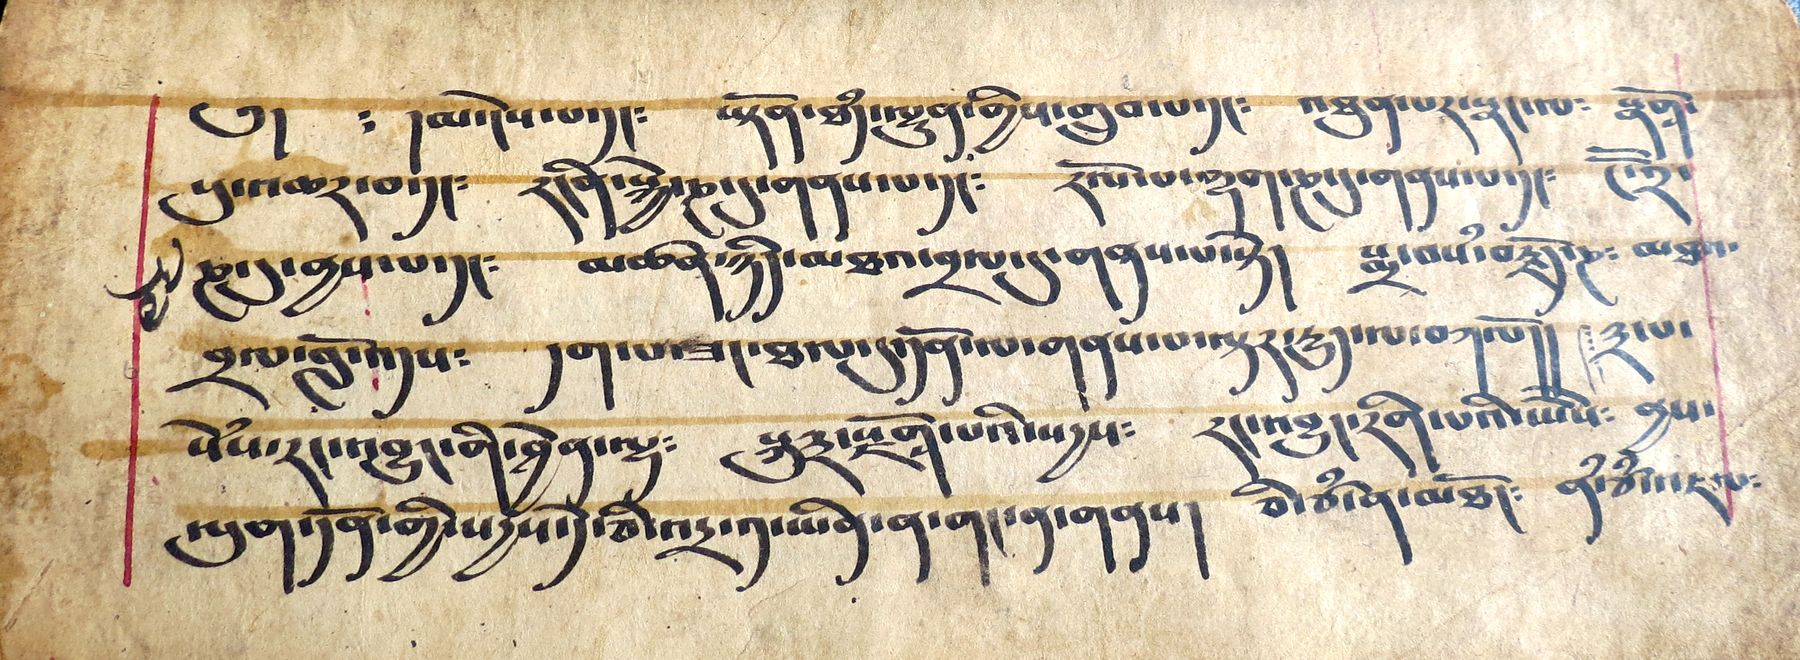མ་ངེས་པ་དང་། ཡོན་ཏན་ཐམས་ཅད་ལྷུན་གྱི་གྲུབ་པ་དང་། མཐུན་པར་སྣང་ལ། སྣ་ཚོགས་
སུ་འཆར་བ་དང་། རང་བཞིན་སྐྱེ་མེད་དུ་གནས་པ་དང་། རོལ་པ་འགག་མེད་དུ་གནས་བ་དང་། ངོ་བོ་གཉིས་
མེད་དུ་བྱས་པ་དང་། མཚན་ཉིད་མཐའ་བྲལ་དུ་གནས་པ་ཏེ། སྨྲ་བསམ་བརྗོད་མེད། མཐའ་
བྲལ་བློ་འདས། དག་པ་ཟང་ཐལ་དུ་དོན་ལ་གནས་པ་ལྟར་རྒྱུད་ལ་བཀལ་ལོ། ། གསུམ་པ་ལ
སེམས་རང་འབྱུང་གི་གཤེན་ལྷ། སྐུ་གསུམ་རྫོགས་པའི་སངས་རྒྱས། རང་འབྱུང་རིག་པའི་ཡེ་ཤེས། གནས་
ལུགས་དོན་གྱི་ཀུན་གཞི་དེ། ཅི་འདྲ་བ་ཞིག་ཡིན། གང་ན་གནས། ཅི་ཙམ་ན་མཐོང་། ནམ་ཙམ་ན་མཇལ།